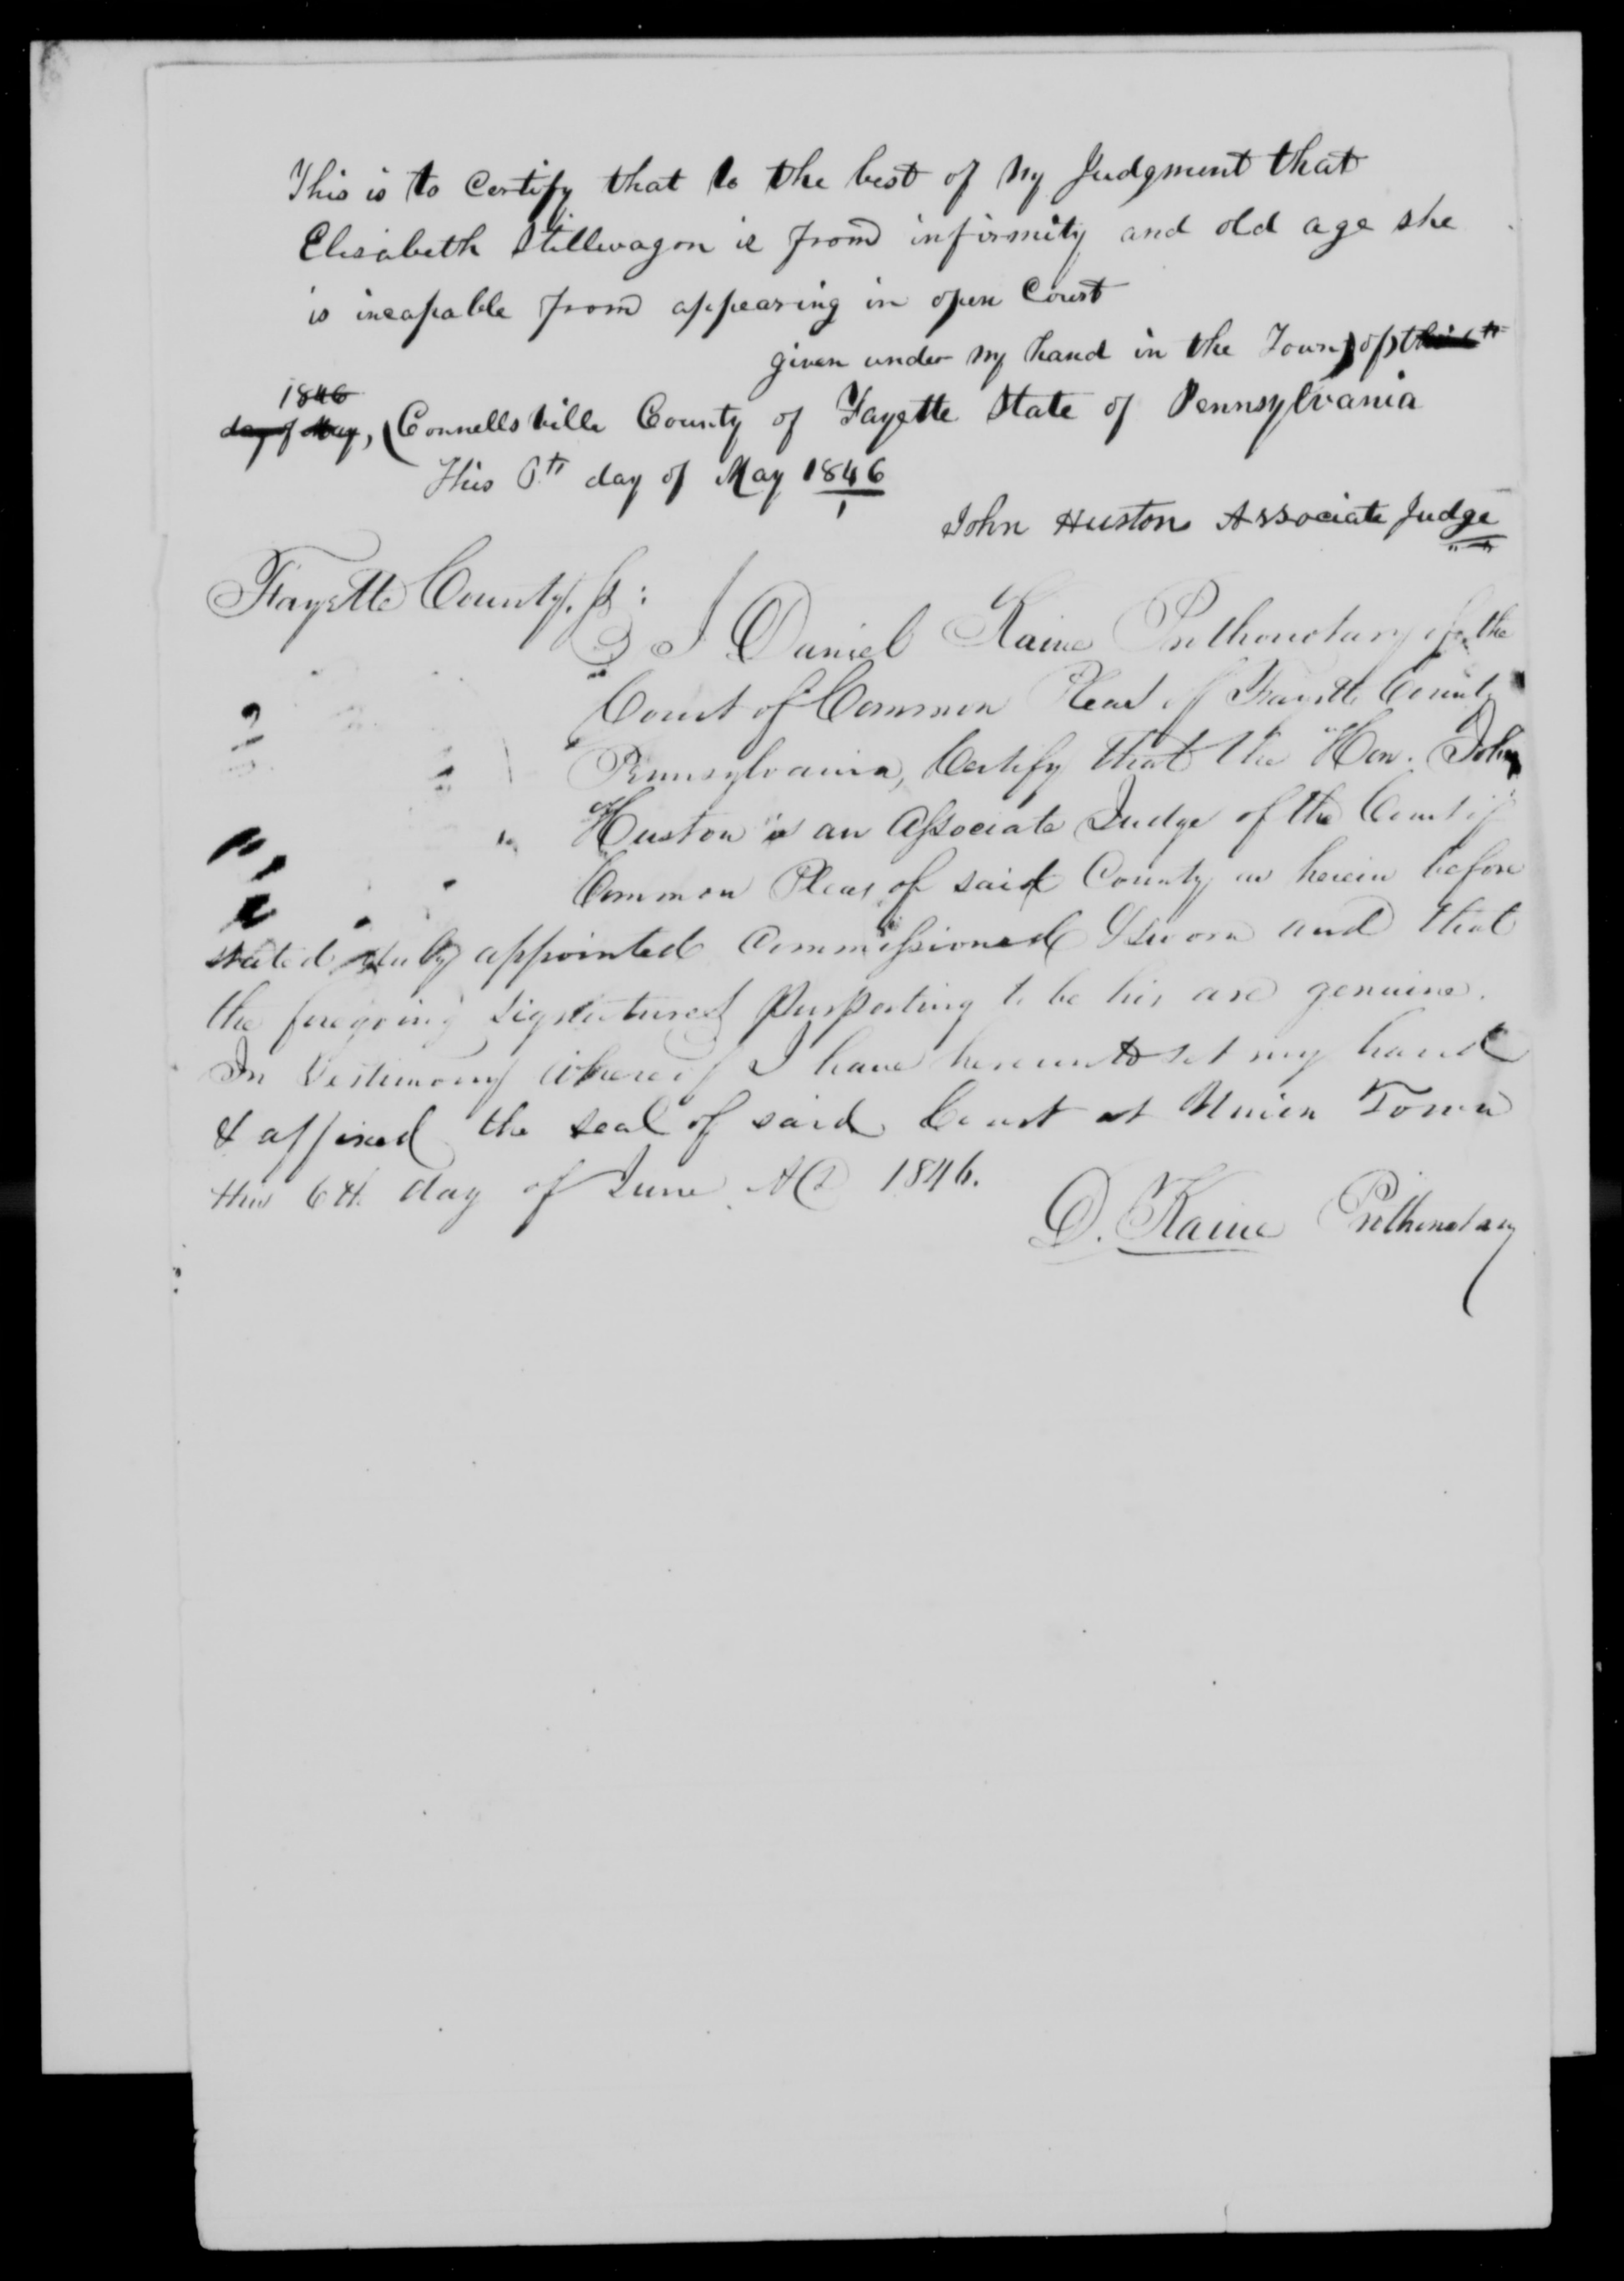This is to certify that to the best of my judgment that Elisabeth Stillwagon is from infirmity and old age is incapable from appearing in open court.

Given under my hand in the Town of (this day in May 1846) Connellsville County of Fayette State of Pennsylvania

John Huston Associate Judge

Fayette County PA
I Daniel Kaine Prothonotary] of the Court of Common Pleas of Fayette County Pennsylvania certify that the Honorable John Huston is an Associate Judge of the County of Common Pleas of said County [illegible] herein before stated duly appointed commissioned sworn and that the foregoing signatures purported to be his are genuine. In testimony whereof I have hereunto set my hand and affixed the seal of said Court at Union Town this 6th day of June. A.D. 1846. D. Kaine Prothonotary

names: John Huston; Daniel Kaine; John Huston; Elisabeth Stillwagon; D Kaine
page: 60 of 73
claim: widow's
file: W. 3197, for Peter Stillwagon, New Jersey